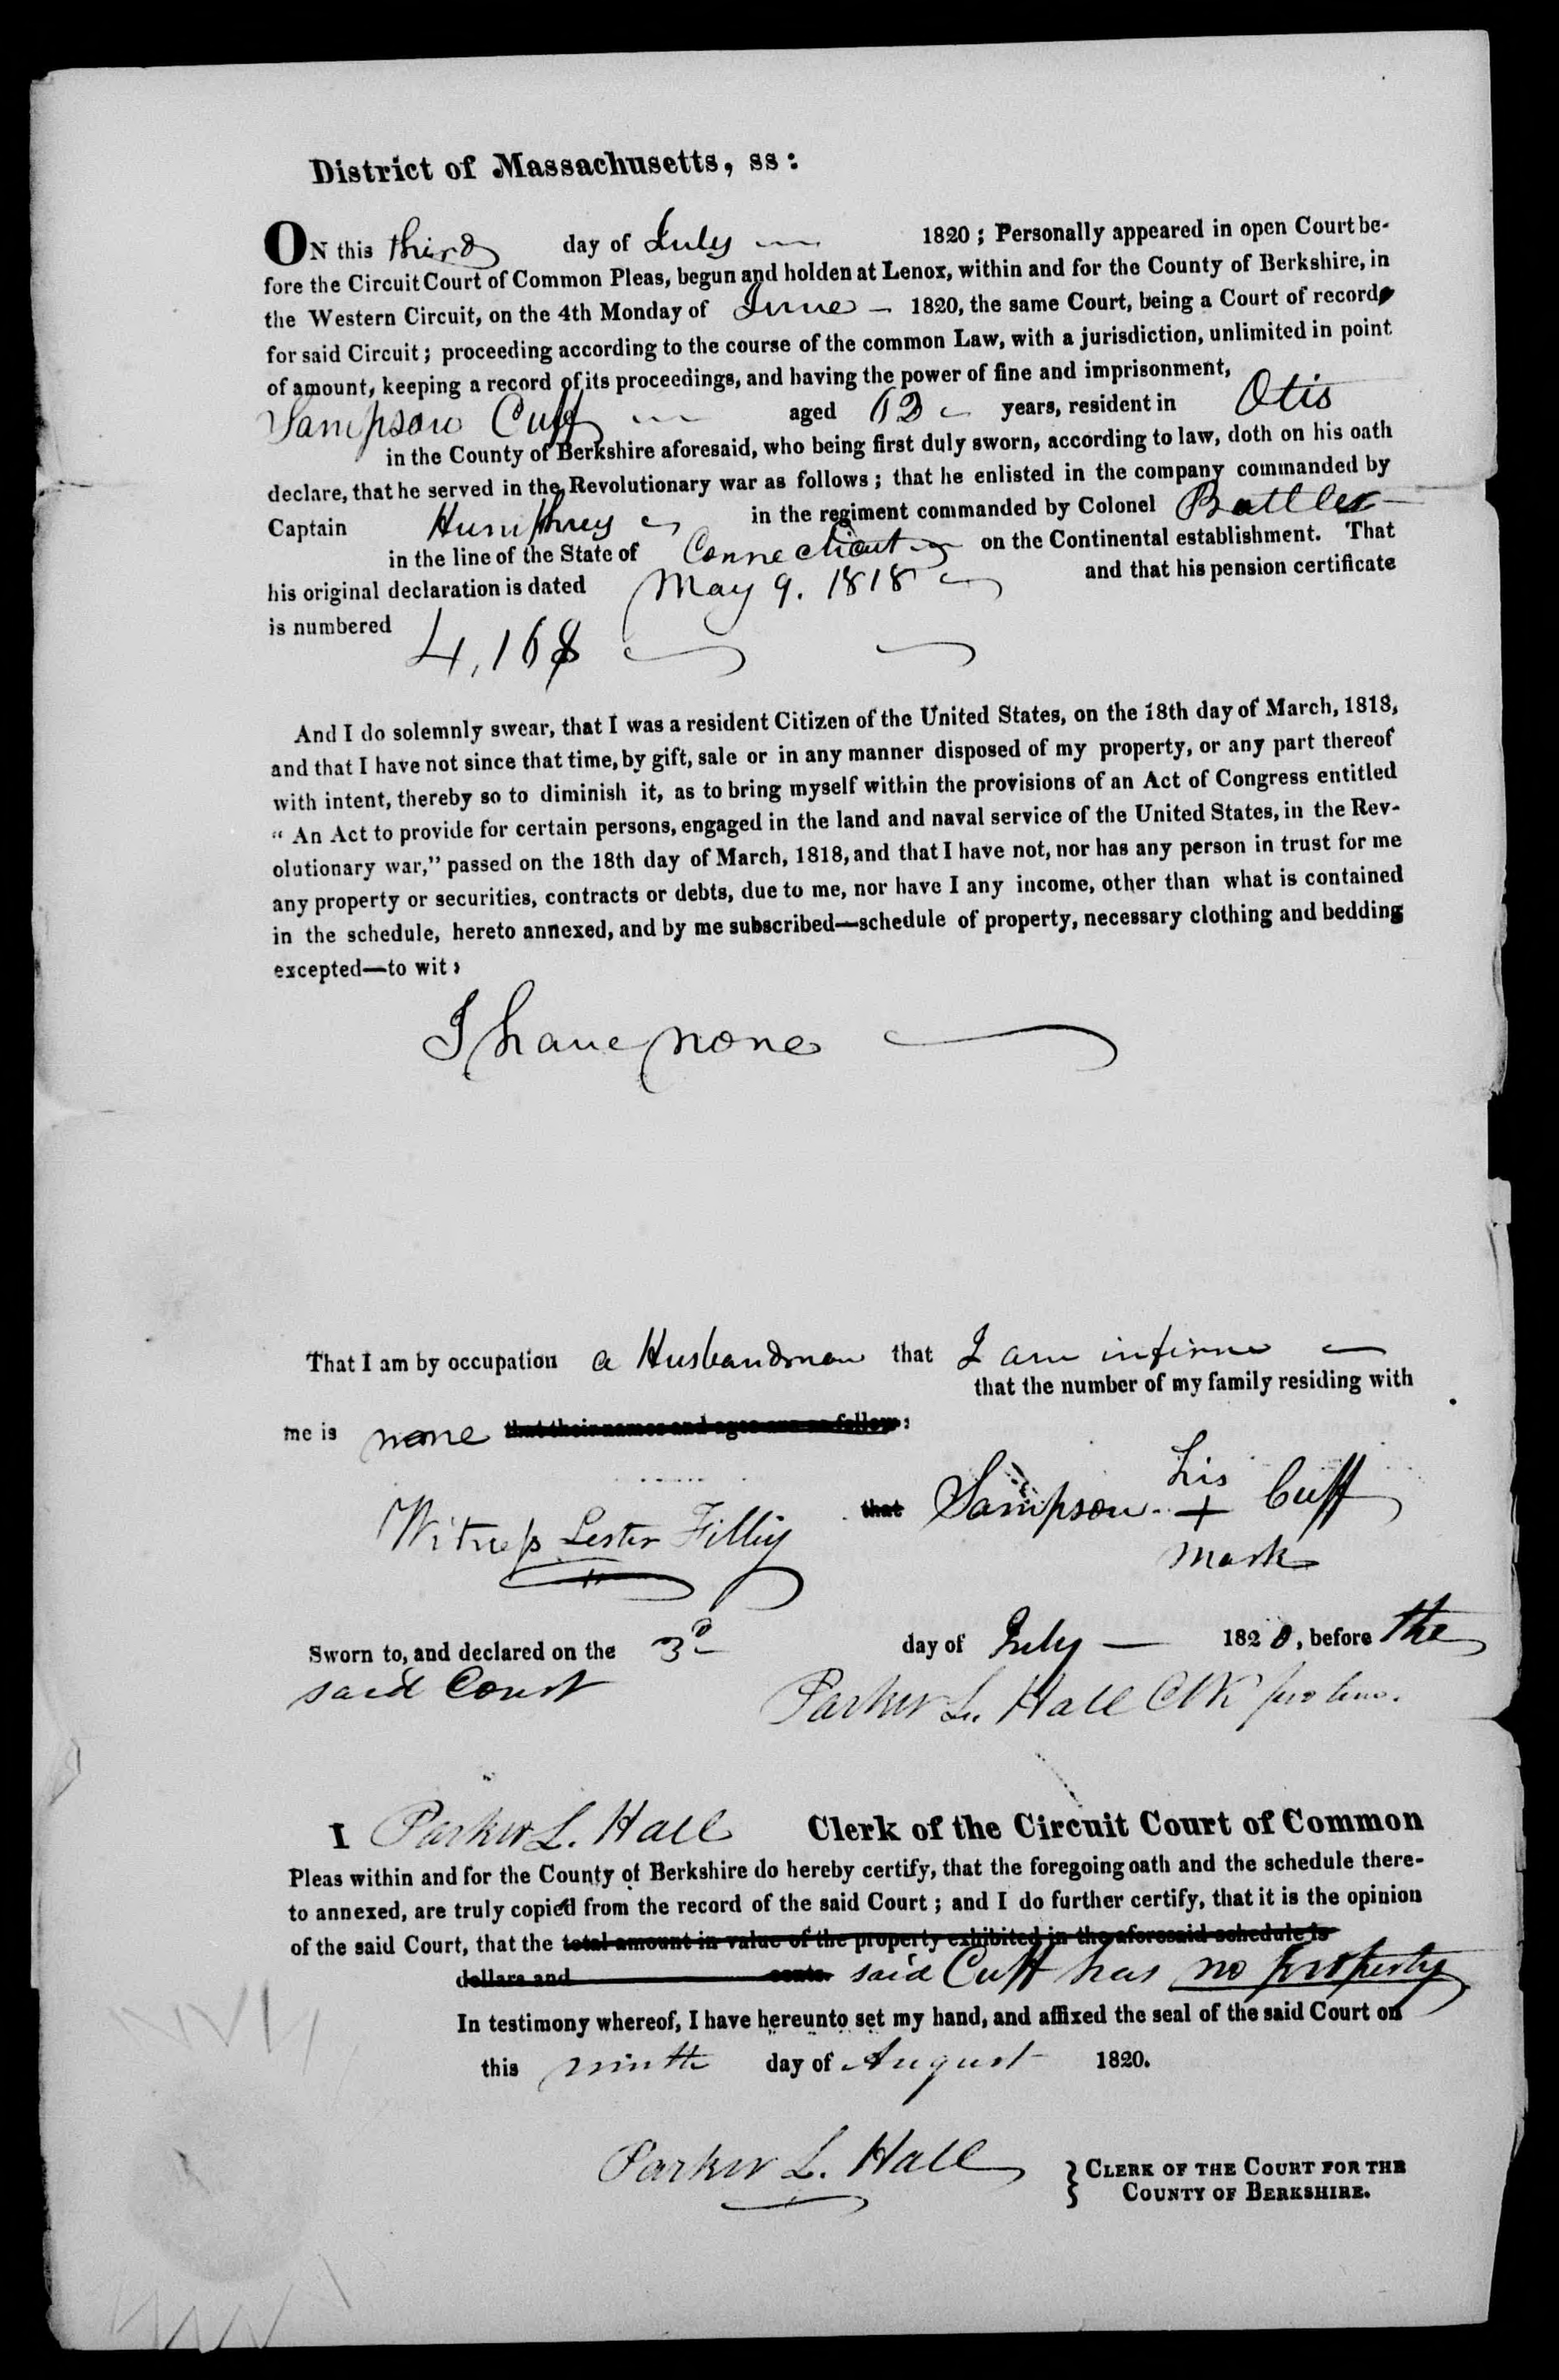District of Massachusetts, SS:

On this third day of July ~~ 1820; Personally appeared in open Court be-
fore the Circuit Court of Common Please, begun and holden at Lenox, WIthin and for the County of Berkshire, in
the Western Circuit, on the 4th Monday of June~ 1820, the same Court, being a Court of record
for said Circuit; proceeding according to the course of the common Law, with a jursidiction, unlimited in point
of amount, keeping a record of its proceedings, and having the power of fine and imprisonment,
Sampson Cuff~ aged 62 years, resident in Otis
in the County of Berkshire aforesaid, who is first being duly sworn, according to law, doth on his oath declare, that he served in the Revolutionary war as follows; that he enlisted in the company commanded by
Captain Humphrey~ in the regiment commanded by Colonel Batlles 
in the line of the State of Connecticut on the Continental establishment. That
his original declaration is dated May 9 1818 and that his pension certificate is numbered 4168

And I do solemnly swear, that I was a resident Citizen of the United States, on the 18th day of March, 1818,
and that I have not since that time, by gift, sale or in any manner disposed of my property, or any part thereof with intent, thereby so to diminish it, as to bring myself within the provisions of an Act of Congress entitled
"An Act to provide for certain persons, engaged in the land and naval service of the United States, in the Revolutionary War," passed on the 18th day of March, 1818, and that I have not, nor has any person in trust for me
any property or securities, contracts or debts, due to me, nor have I any income, other than what is contained in the schedule, hereto annexed, and by me subscribed schedule of property, necessary clothing and bedding
excepted- To wit:
I have none

That I am by occupation a Husband now that I am infirm- the number of my family residing with me is none.
[SIGNATURES]
Lester Filliy
Sampson Cuff (+ his mark)

Sworn to and declared on the 3rd day of July 1820 before the said court Parker Hall 

I Parker L. Hall Clerk of the Circuit Court of Common
Please within and for the County of Berkshire do hereby certify, that the foregoing oat and the schedule there-to annexed, are truly copied from the record of the said court; and I do further certify, that it is the opinion
of the said Court, that (typed portion is crossed out and replaced) said Cuff has no property (bold and underlined)
Intestimony whereof, I have hereunto set my hand, and affixed the seal of said Court on this ninth day of August 1820.

[Signature]
Parker L. Hall
Clerk of the Court for the County of Berkshire.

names: Cuff, Humphrey, Sampson Cuff, Sampson Cuff, Parker L Hall, Batlle, Parker L Hall, Parker L Hall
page: 6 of 11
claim: survivor's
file: S. 34,616, Samson Cuff, Conn.